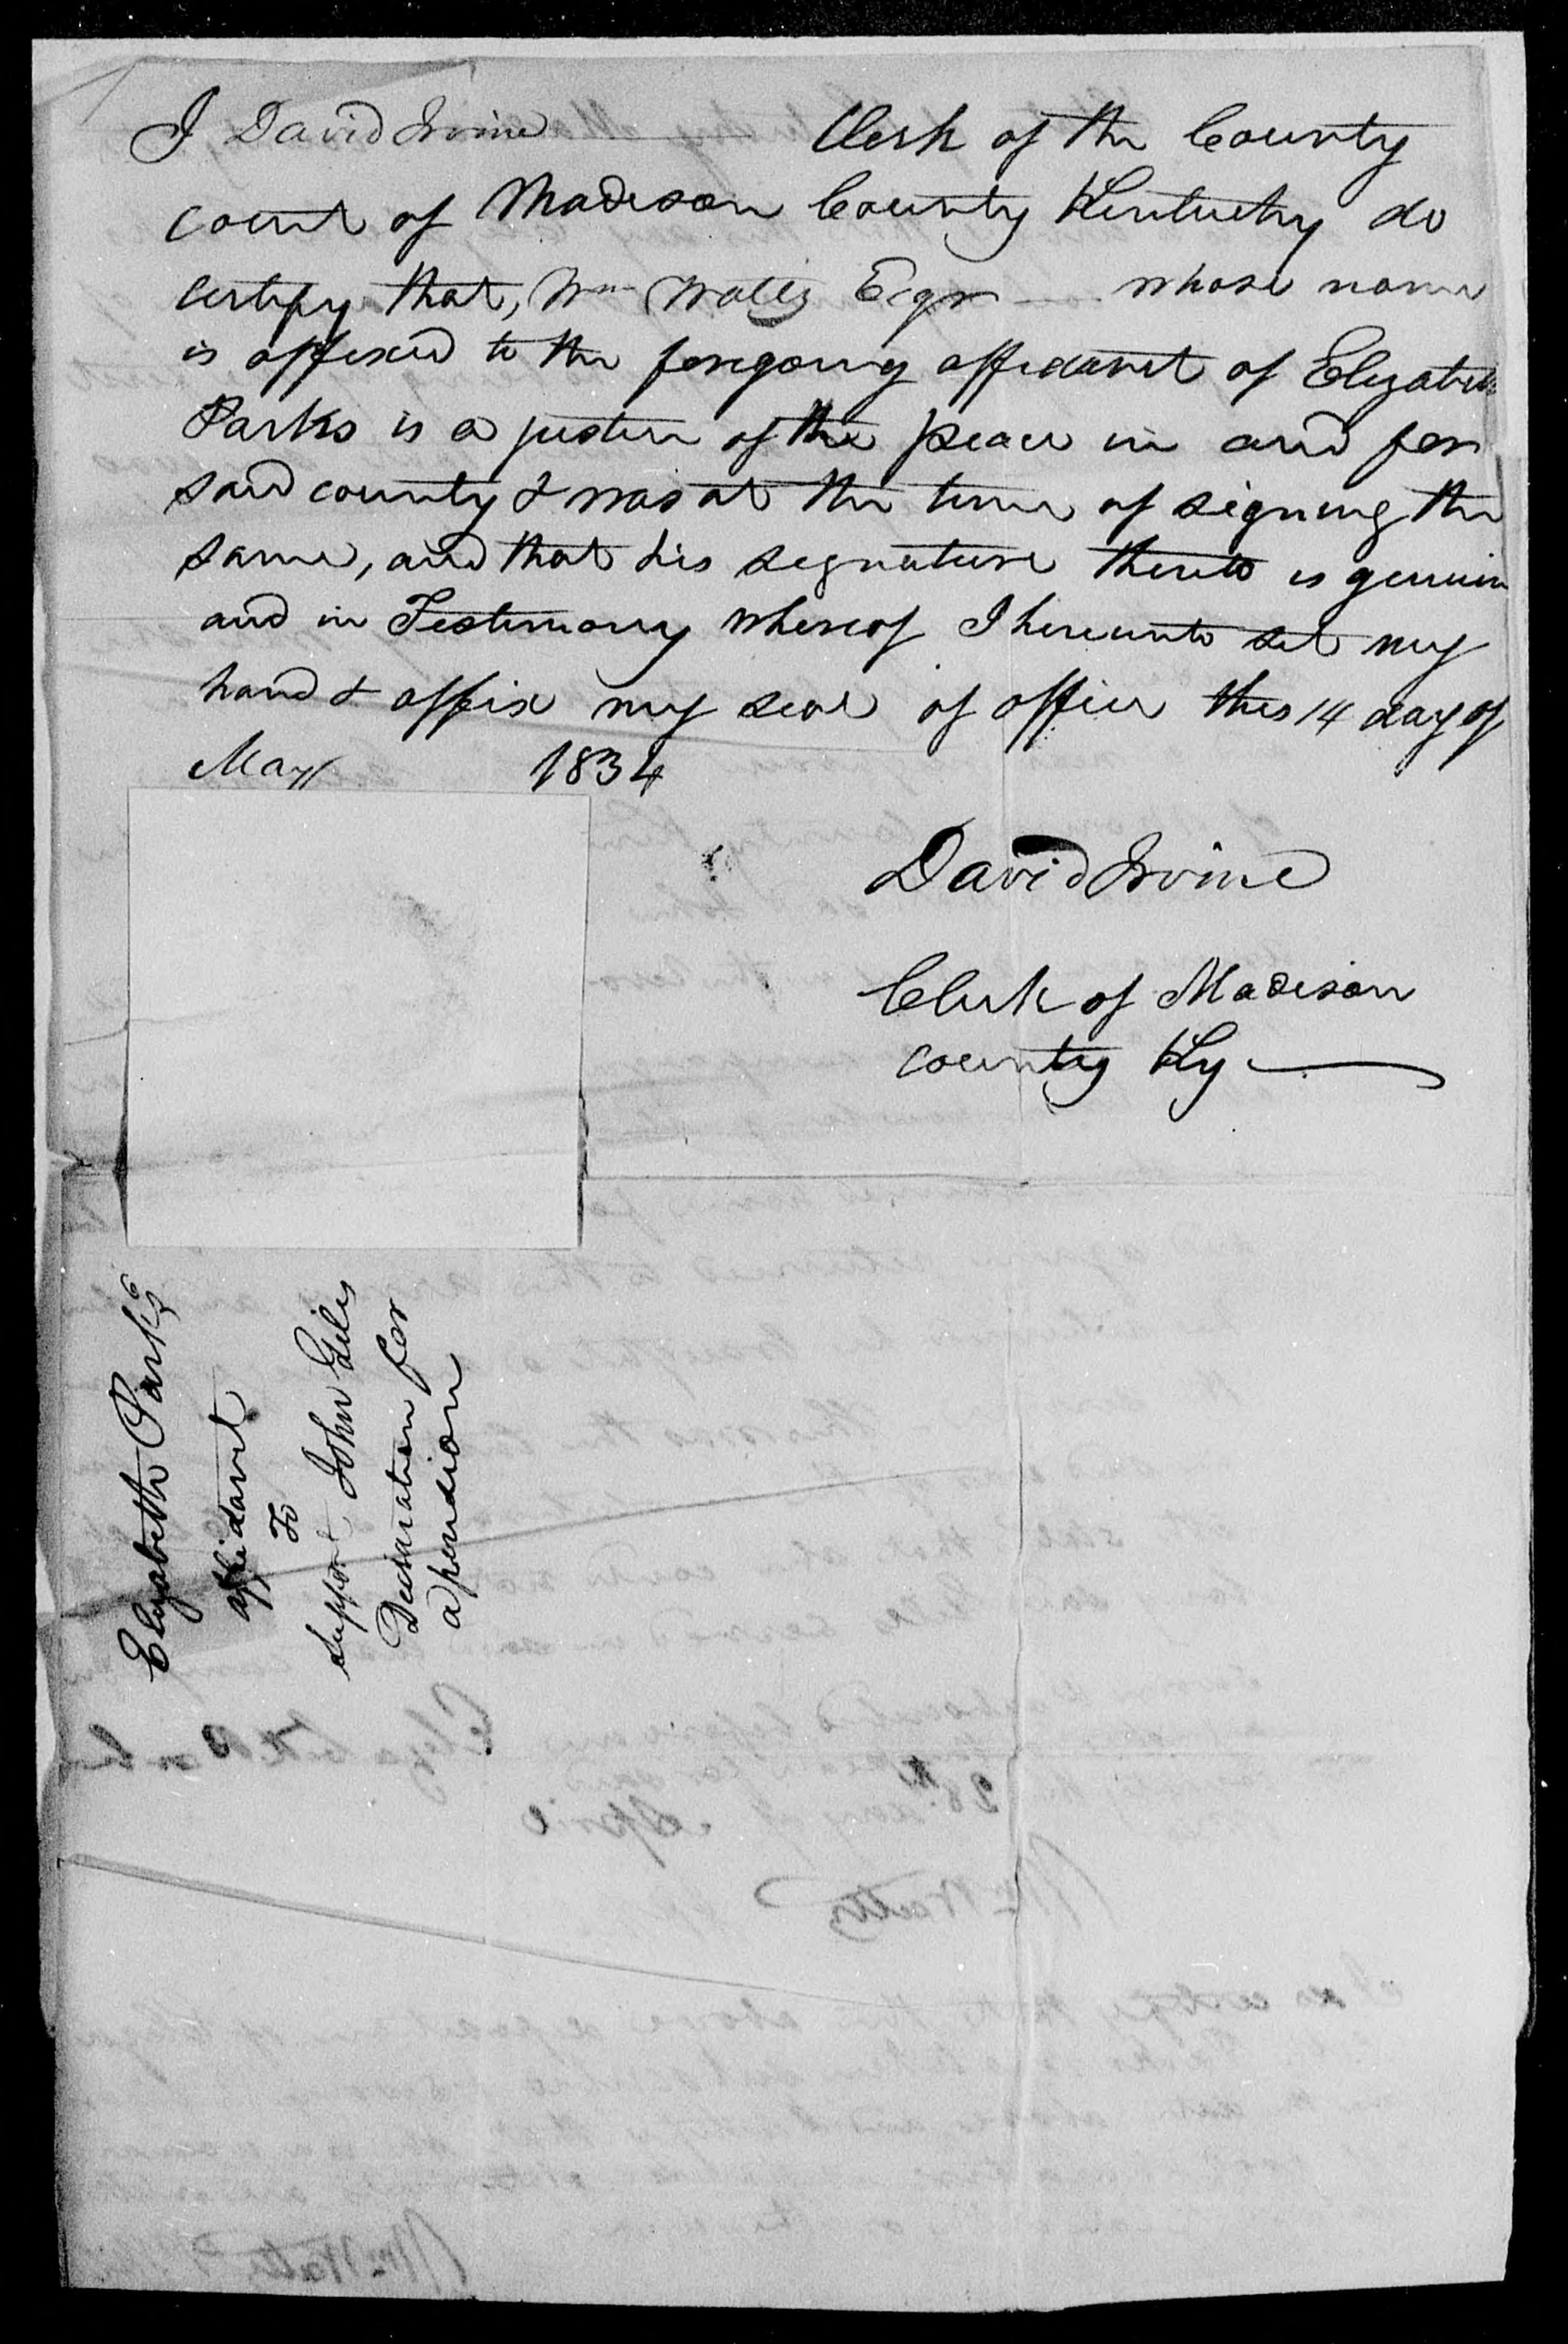I David Irvine Clerk of the County court of Madison County Kentucky do
certify that Wm Walls Esqr whose name affixed to the foregoing affidavit of Elizabeth Parks is a justice of the peace in and for said county & was at the time of signing the same, and that his signature thereto is genuine and in Testimony whereof I hereunto set my hand & affix my seal of office this 14 day of May 1834

David Irvine
Clerk of Madison
County Ky

Vertical:
Elizabeth Parks
affidavit
to Support John Giles
Declaration for
a pension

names: Elizabeth Parks, Elizabeth Parks, John Giles, Wm Watty, David Irvine, David Irvine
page: 53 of 82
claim: widow's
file: W. 7,522, John Giles, N.C.